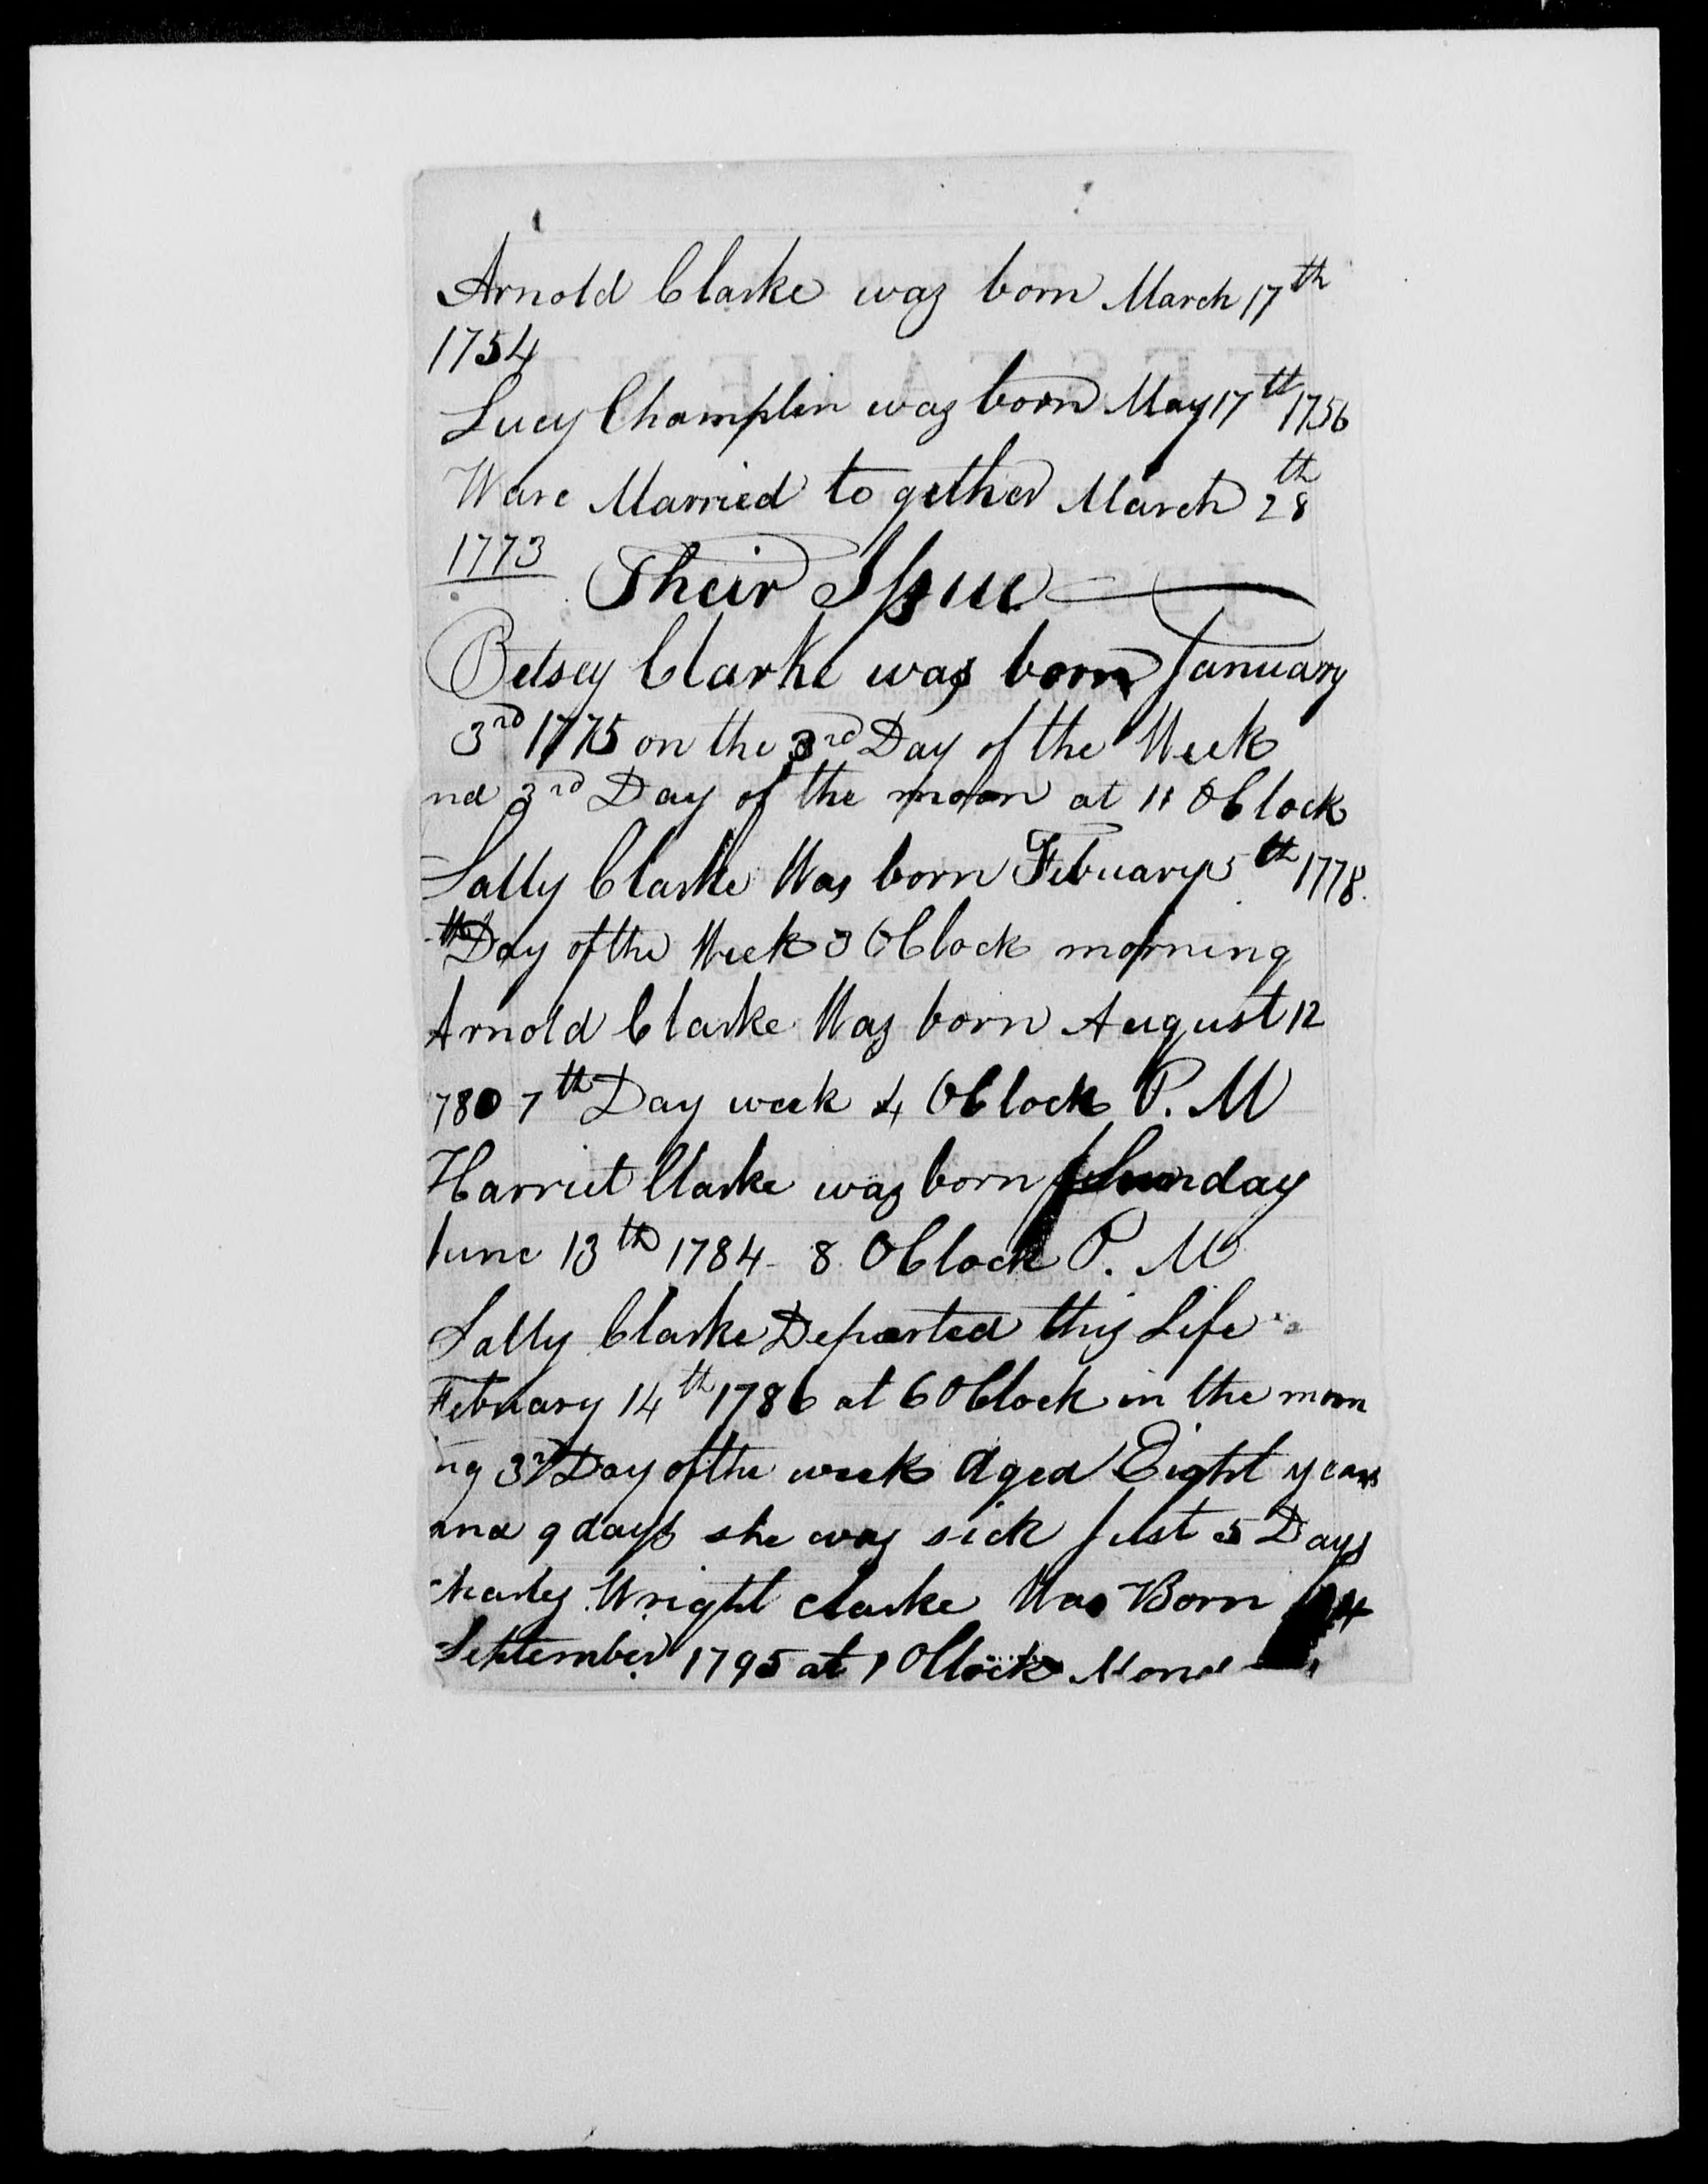Arnold Clarke was born March 17th 1754
Lucy Champlin was born May 17th 1756
Ware married together March 28th 1773
Their Issue
Bestsey Clarke was born January 3rd 1775 on the 3rd day of the week and 3rd day of the moon at 11 oClock
Sally Clarke was born February 5th 1778 [illegible] day of the week 3 oClock morning
Arnold Clarke was born August 12 1780 7th day week 4 oClock P.M.
Harriet Clarke was born Sunday June 13th 1784 8 oClock P.M.
Sally Clarke departed this life February 14th 1786 at 6 oClock in the morning 3rd day of the week aged eight years and 9 days she was sick just 5 days 
Charly Wright Clarke was born 4 September 1795 at 1 oClock Monday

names: Betsey Clarke, Harriet Clarke, Lucy Champlin, Sally Clarke, Arnold Clarke, Arnold Clarke, Wright Clarke, Sally Clarke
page: 11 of 48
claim: widow's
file: W. 17,628, Arnold Clarke, R.I.